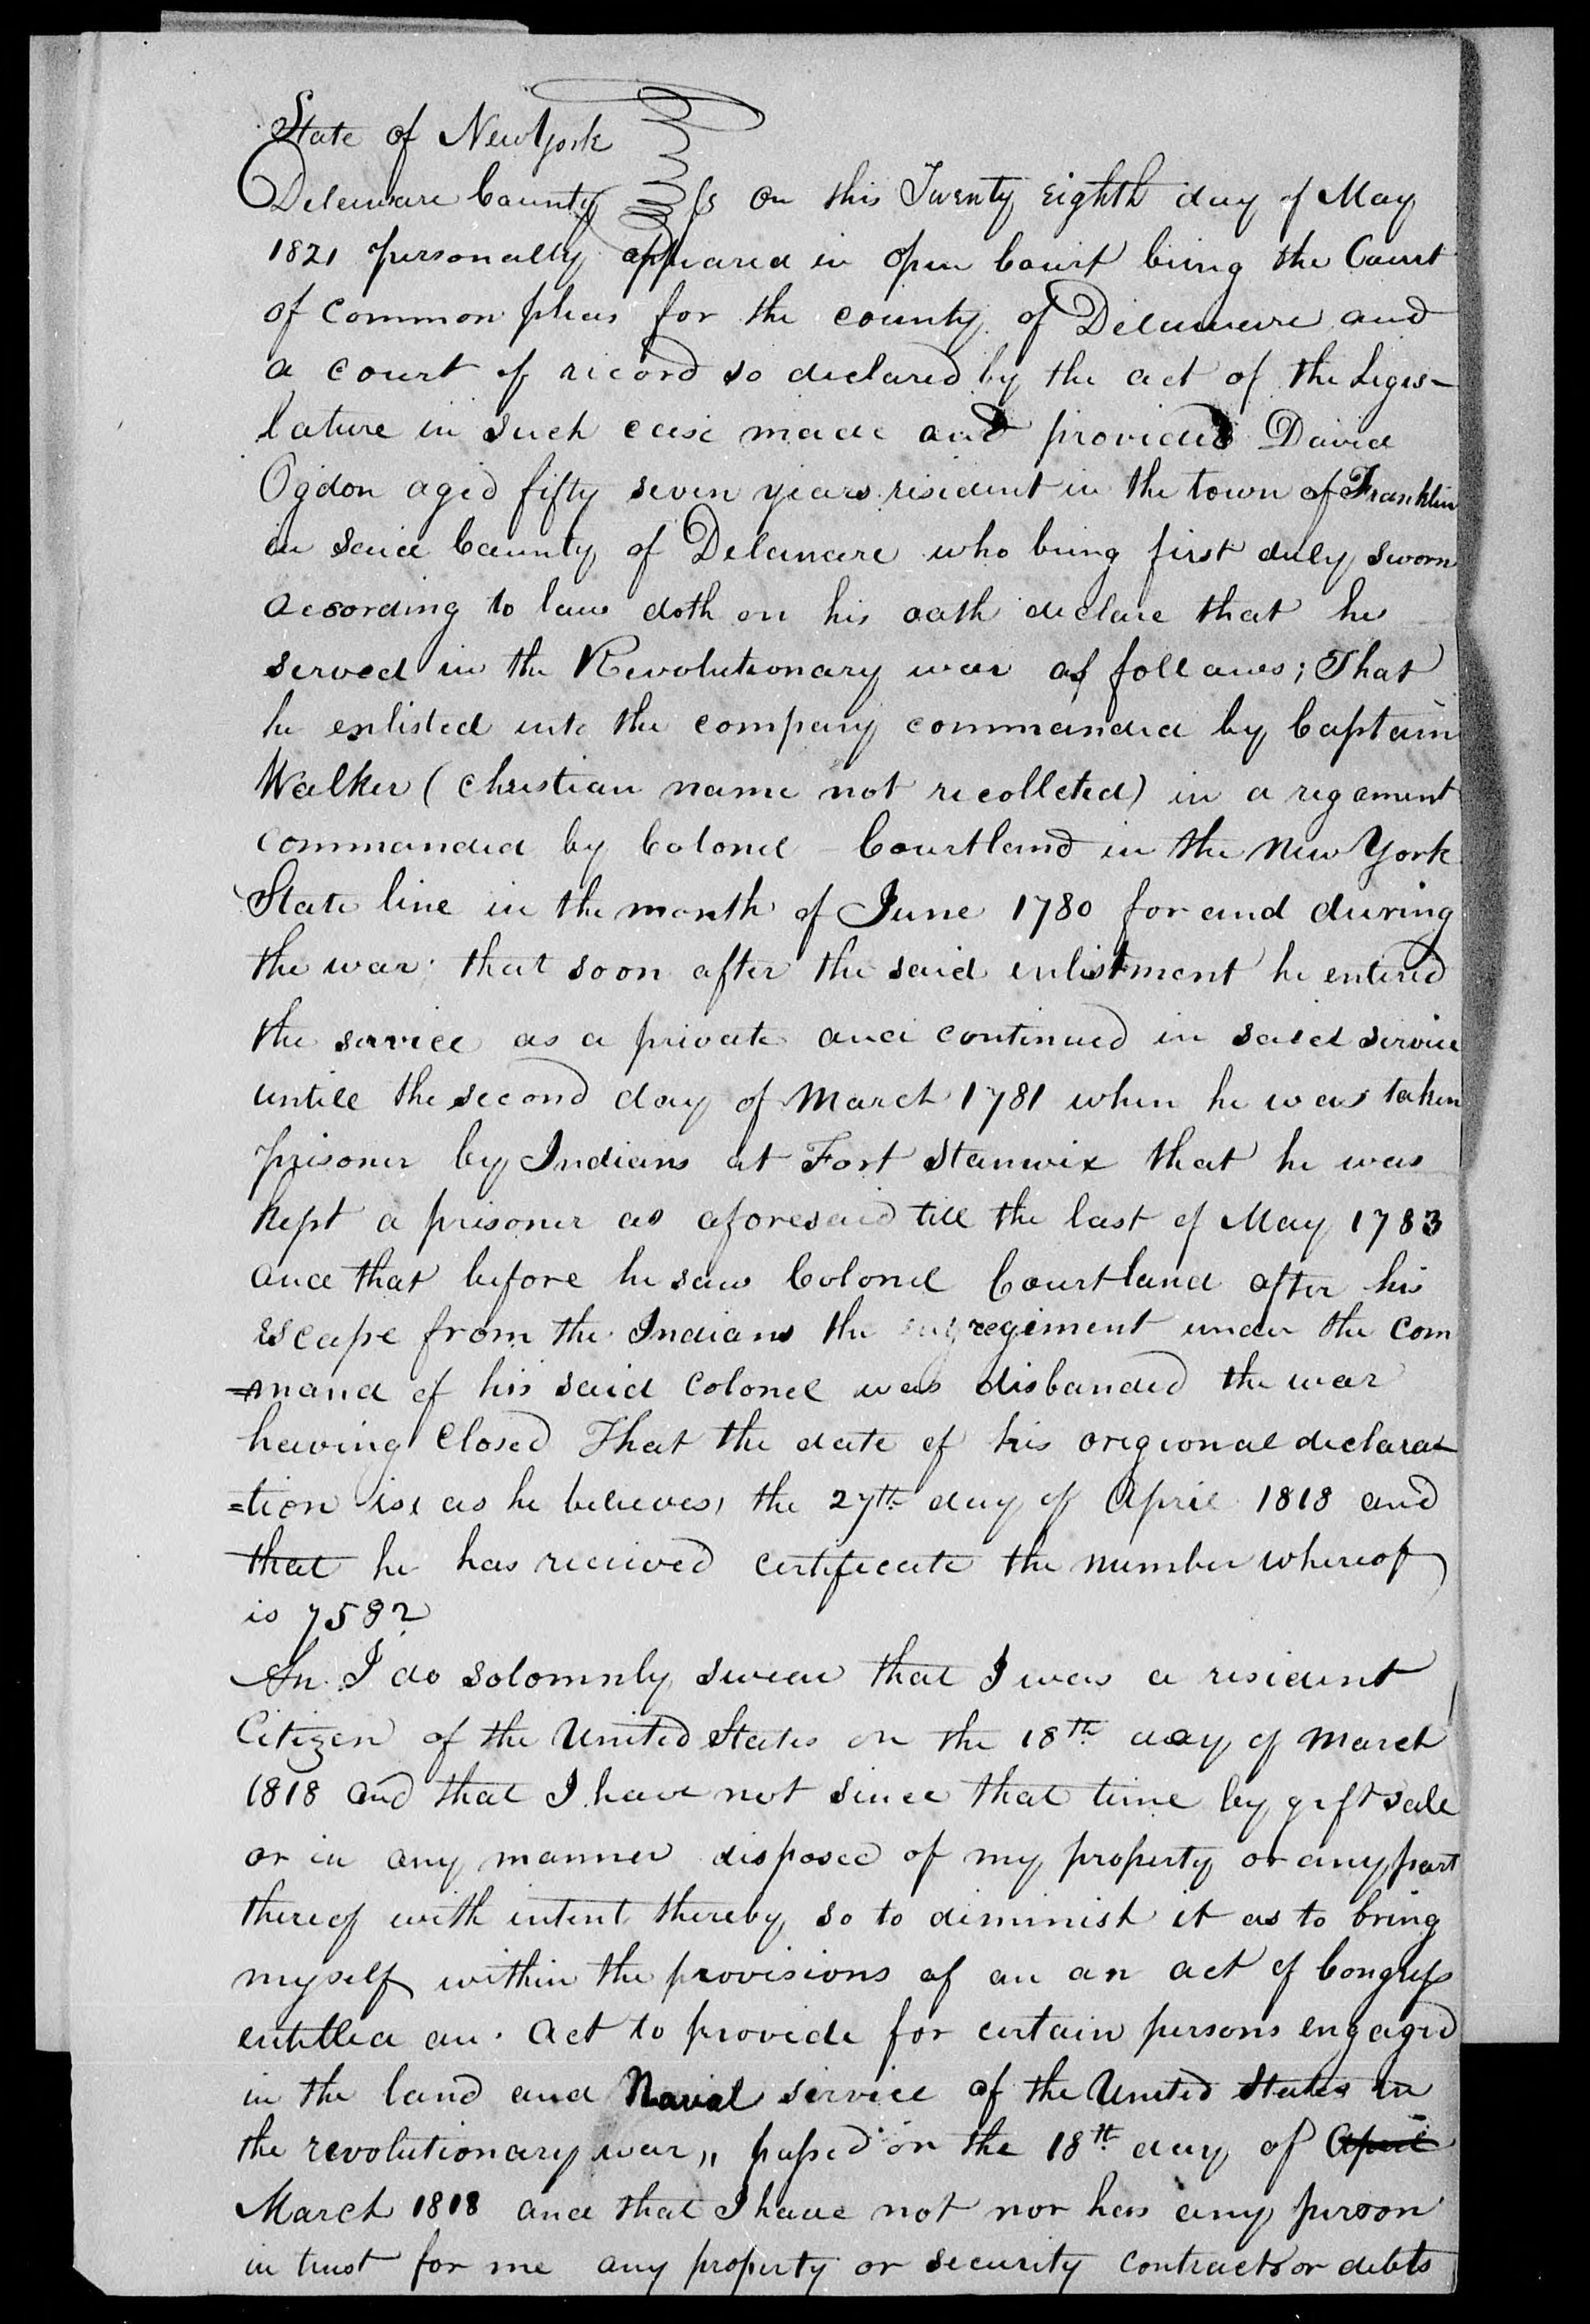State of New York}
Delaware County} ss
On this Twenty Eighth day of May
1821 personally appeared in open Court being the Court
of Common pleas for the County of Delaware and
a court of record so declared by the act of the Legislature 
in such case made and provided David
Ogdon aged fifty seven years resident in the town of Franklin
in Said County of Delaware who being first duly sworn
according to law doth on his oath declare that he
served in the Revolutionary war as follows; That
he enlisted into the company commanded by Captain 
Walker (Christian name not recollected) in a regiment
commanded by Colonel Courtland in the New York
State line in the month of June 1780 for and during the
war, that soon after the said enlistment he entered
the service as a private and continued in said service
untill the second day of March 1781 when he was taken
prisoner by Indians at Fort Stanwix that he was
kept a prisoner as aforesaid till the last of May 1783
and that before he saw Colonel Courtland after his
Escape from the Indians the [illegible] regiment under the 
Command of his said Colonel was disbanded the war
having closed That the date of his original declaration 
is as he believes, the 27th day of April 1818 and
that he has received certificate the number whereof
is 7582.

And I do solomnly swear that I was a resident
Citizen of the United States on the 18th day of March
1818 and that I have not since that time by gift sale
or in any manner disposed of my property or any part
thereof with intent thereby so to diminish it as to bring
myself within the provisions of an an act of Congress
entitled an Act to provide for certain persons engaged
in the land and Naval service of the United States in
the revolutionary war,, passed on the 18th day of [April crossed out] 
March 1818 and that I have not nor has any person
in trust for me any property or security contracts or debts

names: David Ogdon; [BLANK] Courtland; [BLANK] Walker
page: 14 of 40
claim: widow's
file: W. 24364, for David Ogden, New York